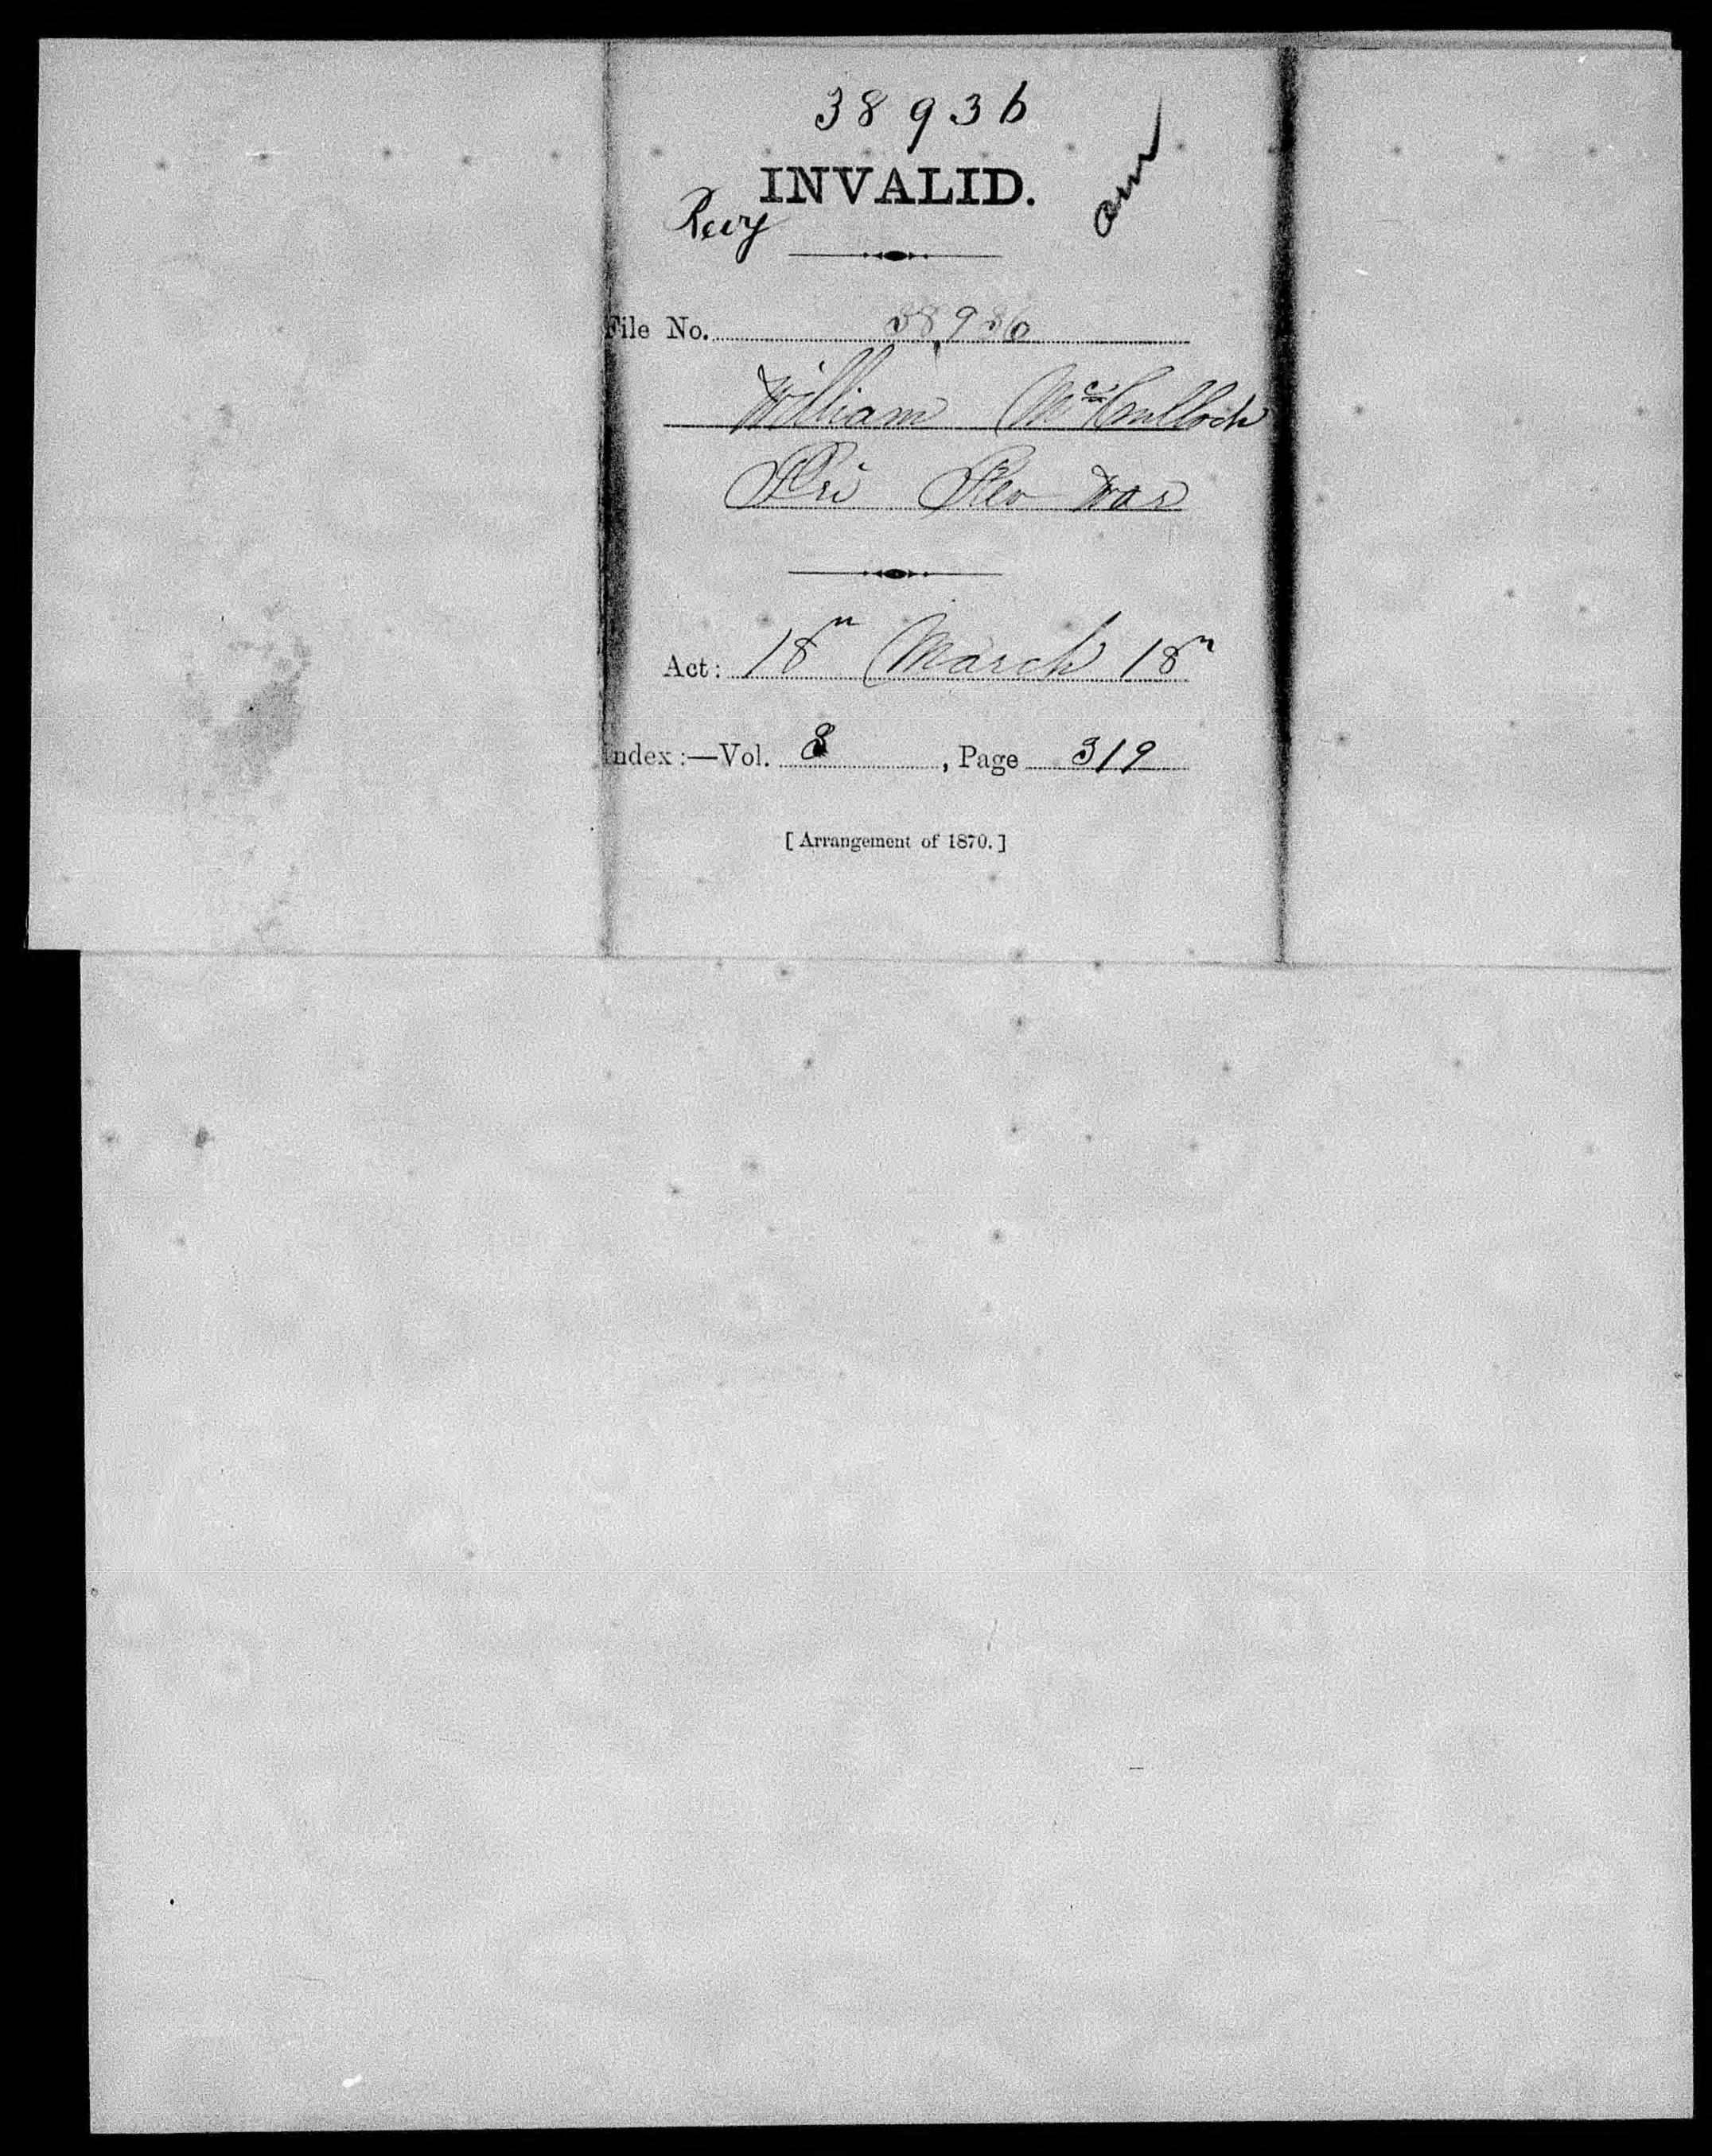38936
INVALID.
Revy
AWN
File No. 38.936
William McCulloch
Pri Rev War
Act:  18th March 18
Index:- Vol . 8, Page 319
[
Arrangement of 1870.]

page: 9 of 9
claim: survivor's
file: S. 38,936, for William Mc Culloch, Virginia